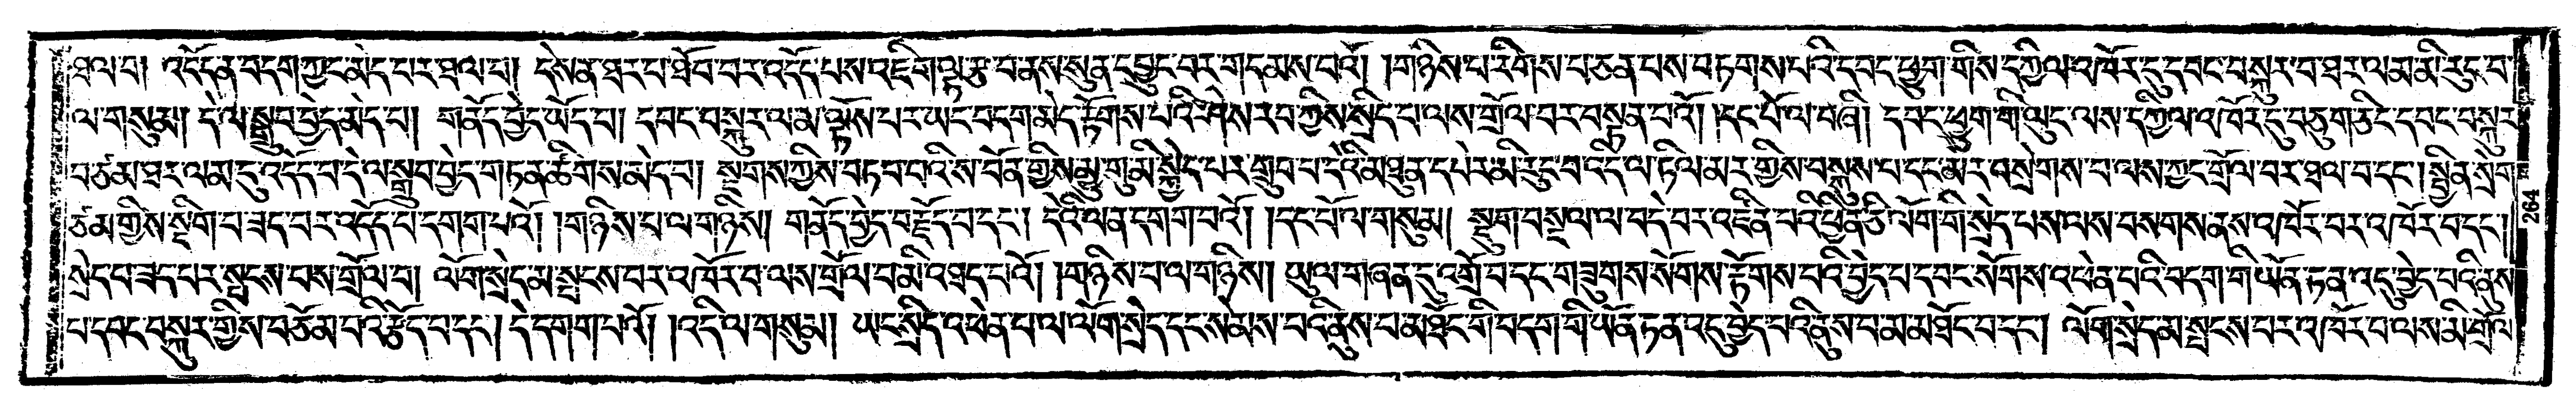ཐལ་བ། འདོད་ན་བདག་ཀྱང་མེད་པར་ཐལ་བ། དེས་ན་ཐར་པ་ཐོབ་པར་འདོད་པས་འཇིག་ལྟ་རྩ་བ་ནས་སུན་དབྱུང་བར་གདམས་པའོ། །གཉིས་པ་རིགས་པ་ཅན་པས་བཏགས་པའི་དབང་ཕྱུག་གིས་དཀྱིལ་འཁོར་དུ་དབང་བསྐུར་བ་ཐར་ལམ་མི་རུང་བ་
ལ་གསུམ། དེ་ལ་སྒྲུབ་བྱེད་མེད་པ། གནོད་བྱེད་ཡོད་པ། དབང་བསྐུར་ལ་མ་ལྟོས་པར་ཡང་བདག་མེད་རྟོགས་པའི་ཤེས་རབ་ཀྱིས་སྲིད་པ་ལས་གྲོལ་བར་བསྟན་པའོ། །དང་པོ་ལ་བཞི། དབང་ཕྱུག་གི་ལུང་ལས་དཀྱིལ་འཁོར་དུ་བཅུག་ཅིང་དབང་བསྐུར་
བ་ཙམ་ཐར་ལམ་དུ་འདོད་པ་དེ་ལ་སྒྲུབ་བྱེད་གཏན་ཚིགས་མེད་པ། སྔགས་ཀྱིས་བཏབ་པའི་ས་བོན་གྱིས་མྱུ་གུ་མི་སྐྱེད་པར་གྲུབ་པ་དེའི་མཐུན་དཔེར་མི་རུང་བ་འདི་ལ་ཏིལ་མར་གྱིས་བསྐུས་པ་དང་མར་བསྲེགས་པ་ལས་ཀྱང་གྲོལ་བར་ཐལ་བ་དང་། སྦྱིན་སྲེག་
ཙམ་གྱིས་སྡིག་པ་ཟད་པར་འདོད་པ་དགག་པའོ། །གཉིས་པ་ལ་གཉིས། གནོད་བྱེད་བརྗོད་པ་དང་། དེའི་ལན་དགག་པའོ། །དང་པོ་ལ་གསུམ། སྡུག་བསྔལ་ལ་བདེ་བར་འཛིན་པའི་ཕྱིན་ཅི་ལོག་གི་སྲེད་པས་ལས་བསགས་ནས་འཁོར་བར་འཁོར་བ་དང་།
སྲེད་པ་ཟད་པར་སྤངས་པས་གྲོལ་བ། ལོག་སྲེད་མ་སྤངས་བར་འཁོར་བ་ལས་གྲོལ་བ་མི་འཐད་པའོ། །གཉིས་པ་ལ་གཉིས། ཡུལ་གཞན་དུ་འགྲོ་བ་དང་གཟུགས་སོགས་རྟོགས་པའི་བྱེད་པ་དབང་སོགས་འཕེན་པའི་བདག་གི་ཡོན་ཏན་འདུ་བྱེད་པའི་ནུས་
པ་དབང་བསྐུར་གྱིས་བཅོམ་པའི་རྩོད་པ་དང་། དེ་དགག་པའོ། །འདི་ལ་གསུམ། ཡང་སྲིད་འཕེན་པ་ལ་ལོག་སྲེད་དང་སེམས་པའི་ནུས་པ་མཐོང་གི་བདག་གི་ཡོན་ཏན་འདུ་བྱེད་པའི་ནུས་པ་མ་མཐོང་བ་དང་། ལོག་སྲེད་མ་སྤངས་པར་འཁོར་བ་ལས་མི་གྲོལ་